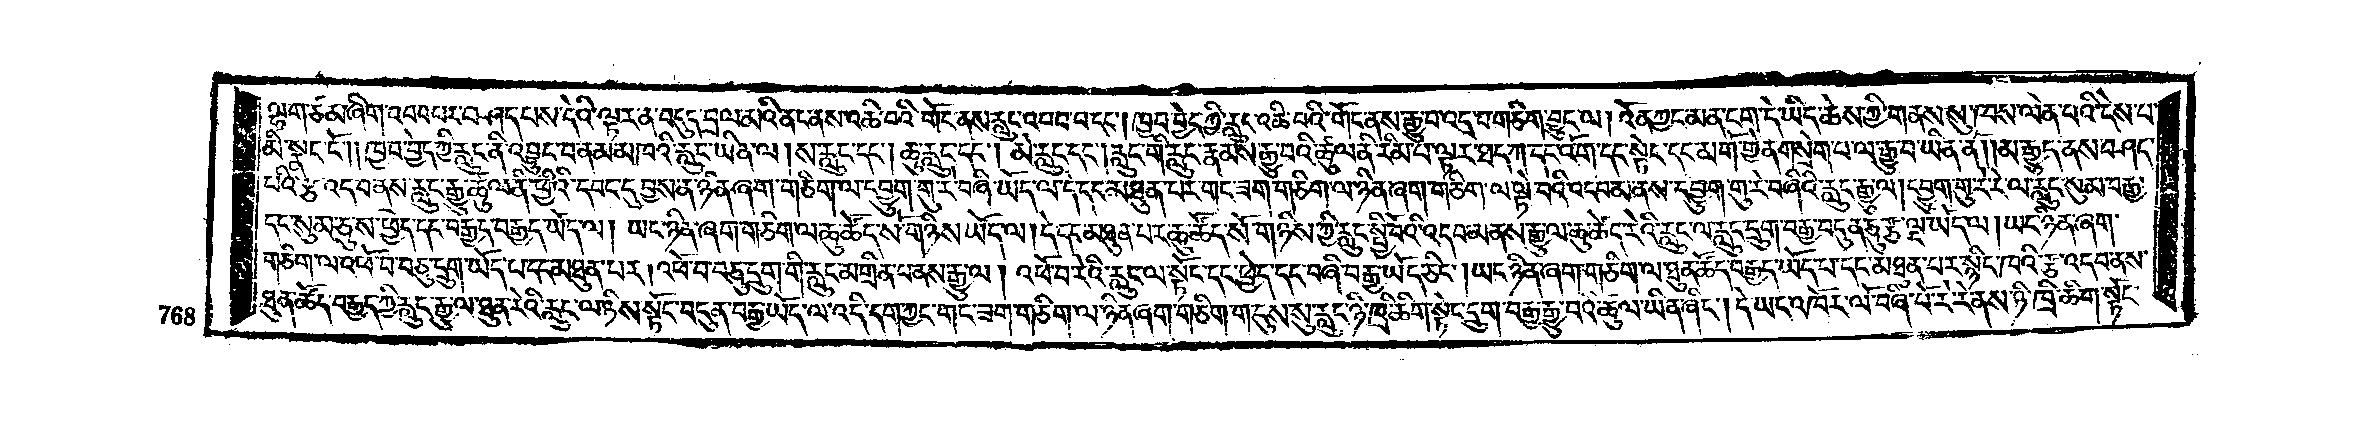ལྷག་ཙམ་ཞིག་འབབ་པར་བཤད་པས་དེའི་ལྟར་ན་བདུད་བྲལ་མའི་ནང་ནས་འཆི་བའི་གོང་ནས་རླུང་འབབ་པ་དང་། ཁྱབ་བྱེད་ཀྱི་རླུང་འཆི་བའི་གོང་ནས་རྒྱུ་བ་འདྲ་བ་གཅིག་བྱུང་ལ། འོན་ཀྱང་མན་ངག་དེ་ཡིད་ཆེས་ཀྱི་གནས་སུ་ཁས་ལེན་པའི་ངེས་པ་
མི་སྣང་ངོ། །ཁྱབ་བྱེད་ཀྱི་རླུང་ནི་འབྱུང་བ་ནམ་མཁའི་རླུང་ཡིན་ལ། ས་རླུང་དང་། ཆུ་རླུང་དང་། མེ་རླུང་དང་། རླུང་གི་རླུང་རྣམས་རྒྱུ་བའི་ཚུལ་ནི་རིམ་པ་ལྟར་ཐད་ཀ་དང་འོག་དང་སྟེང་དང་མགོ་གྱེན་གསྲེག་པ་ལ་རྒྱུ་བ་ཡིན་ནོ། །མ་རྒྱུད་ནས་བཤད་
པའི་རྩ་འདབ་ནས་རླུང་རྒྱུ་ཚུལ་ནི་ཕྱིའི་དབང་དུ་བྱས་ན་ཉིན་ཞག་གཅིག་ལ་དབྱུག་གུ་རེ་བཞི་ཡོད་ལ་དེ་དང་མཐུན་པར་གང་ཟག་གཅིག་ལ་ཉིན་ཞག་གཅིག་ལ་ལྟེ་བའི་འདབ་མ་ནས་དབྱུག་གུ་རེ་བཞིའི་རླུང་རྒྱུ་ལ། དབྱུག་གུ་རེ་རེ་ལ་རླུང་སུམ་བརྒྱ་
དང་སུམ་ཅུས་ཕྱེད་དང་བརྒྱད་བརྒྱད་ཡོད་ལ། ཡང་ཉིན་ཞག་གཅིག་ལ་ཆུ་ཚོད་སོ་གཉིས་ཡོད་ལ། དེ་དང་མཐུན་པར་ཆུ་ཚོད་སོ་གཉིས་ཀྱི་རླུང་སྤྱི་བོའི་འདབ་མ་ནས་རྒྱུ་ལ་ཆུ་ཚེད་རེའི་རླུང་ལ་རླུང་དྲུག་བརྒྱ་བདུན་ཅུ་རྩ་ལྔ་ཡོད་ལ། ཡང་ཉིན་ཞག་
གཅིག་ལ་འཕོ་བ་བཅུ་དྲུག་ཡོད་པ་དང་མཐུན་པར། འཕོ་བ་བཅུ་དྲུག་གི་རླུང་མགྲིན་པ་ནས་རྒྱུ་ལ། འཕོ་བ་རེའི་རླུང་ལ་སྟོང་དང་ཕྱེད་དང་བཞི་བརྒྱ་ཡོད་ཅིང་། ཡང་ཉིན་ཞག་གཅིག་ལ་ཐུན་ཚོད་བརྒྱད་ཡོད་པ་དང་མཐུན་པར་སྙིང་ཁའི་རྩ་འདབ་ནས་
ཐུན་ཚོད་བརྒྱད་ཀྱི་རླུང་རྒྱུ་ལ་ཐུན་རེའི་རླུང་ལ་ཉིས་སྟོང་བདུན་བརྒྱ་ཡོད་ལ་འདི་དག་ཀྱང་གང་ཟག་གཅིག་ལ་ཉིན་ཞག་གཅིག་ག་དུས་སུ་རླུང་ཉི་ཁྲི་ཆིག་སྟོང་དྲུག་བརྒྱ་རྒྱུ་བའི་ཚུལ་ཡིན་ཞིང་། དེ་ཡང་འཁོར་ལོ་བཞི་པོ་རེ་རེ་ནས་ཉི་ཁྲི་ཆིག་སྟོང་